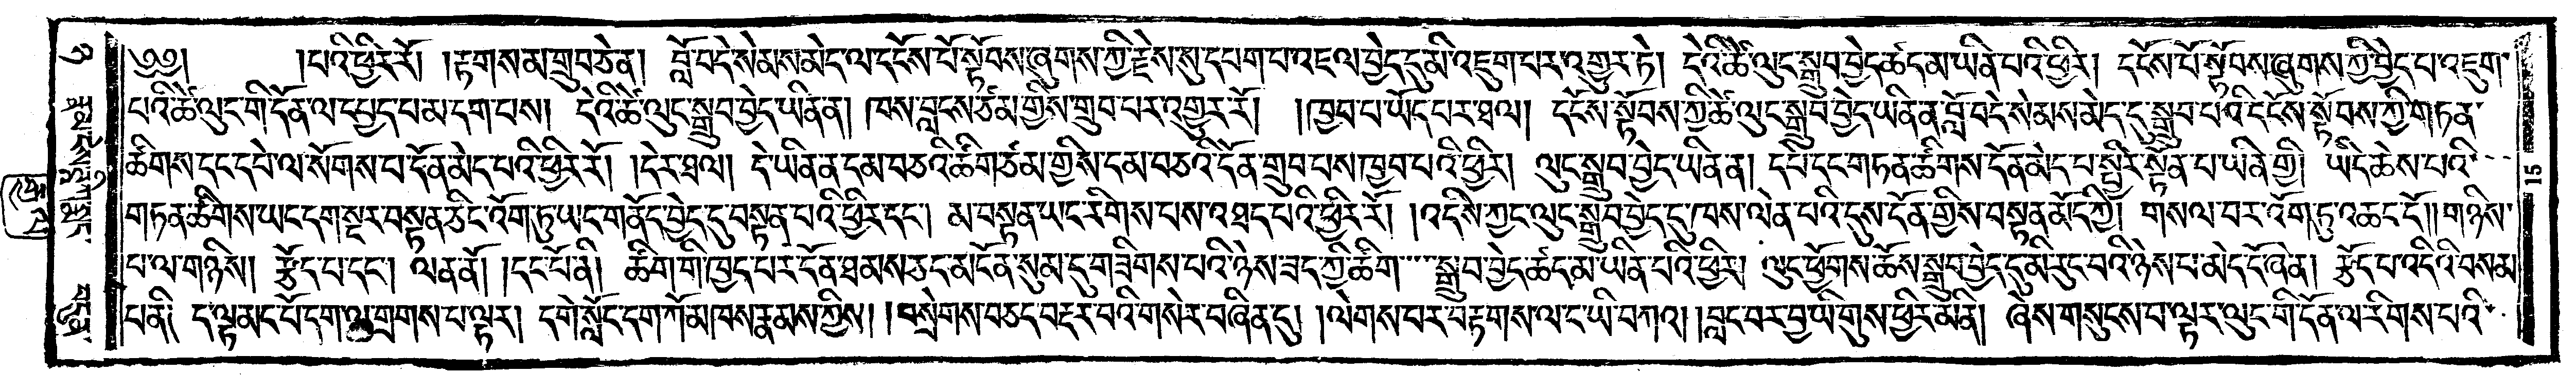༄༅། །པའི་ཕྱིར་རོ། །རྟགས་མ་གྲུབ་ཅེ་ན། བློ་བདེ་སེམས་མེད་ལ་དངོས་པོ་སྟོབས་ཞུགས་ཀྱི་རྗེས་སུ་དཔག་པ་འཇལ་བྱེད་དུ་མི་འཇུག་པར་འགྱུར་ཏེ། དེའི་ཚེ་ལུང་སྒྲུབ་བྱེད་ཚད་མ་ཡིན་པའི་ཕྱིར། དངོས་པོ་སྟོབས་ཞུགས་ཀྱི་བྱེད་པ་འཇུག་
པའི་ཚེ་ལུང་གི་དོན་ལ་དཔྱད་པ་མ་དག་པས། དེའི་ཚེ་ལུང་སྒྲུབ་བྱེད་ཡིན་ན། ཁས་བླངས་ཙམ་གྱིས་གྲུབ་པར་འགྱུར་རོ། །ཁྱབ་པ་ཡོད་པར་ཐལ། དངོས་སྟོབས་ཀྱི་ཚེ་ལུང་སྒྲུབ་བྱེད་ཡིན་ན་བློ་བདེ་སེམས་མེད་དུ་སྒྲུབ་པའི་དངོས་སྟོབས་ཀྱི་གཏན་
ཚིགས་དང་དཔེ་ལ་སོགས་པ་དོན་མེད་པའི་ཕྱིར་རོ། །དེར་ཐལ། དེ་ཡིན་ན་དམ་བཅའི་ཚིག་ཙམ་གྱིས་དམ་བཅའི་དོན་གྲུབ་པས་ཁྱབ་པའི་ཕྱིར། ལུང་སྒྲུབ་བྱེད་ཡིན་ན། དཔེ་དང་གཏན་ཚིགས་དོན་མེད་པ་སྤྱིར་སྟོན་པ་ཡིན་གྱི། ཡིད་ཆེས་པའི་
གཏན་ཚིགས་ཡང་དག་སྔར་བསྟན་ཅིང་འོག་ཏུ་ཡང་གནོད་བྱེད་དུ་བསྟན་པའི་ཕྱིར་དང་། མ་བསྟན་ཡང་རིགས་པས་འཐད་པའི་ཕྱིར་རོ། །འདིས་ཀྱང་ལུང་སྒྲུབ་བྱེད་དུ་ཁས་ལེན་པའི་དུས་དོན་གྱིས་བསྟན་མོད་ཀྱི། གསལ་བར་འོག་ཏུ་འཆང་ངོ། །གཉིས་
པ་ལ་གཉིས། རྩོད་པ་དང་། ལན་ནོ། །དང་པོ་ནི། ཚིག་གི་ཁྱད་པར་དོན་ཐམས་ཅད་མངོན་སུམ་དུ་གཟིགས་པའི་ཉེས་ཟད་ཀྱི་ཚིག་སྒྲུབ་བྱེད་ཚད་མ་ཡིན་པའི་ཕྱིར། ལུང་ཕྱོགས་ཆོས་སྒྲུབ་བྱེད་དུ་མི་རུང་བའི་ཉེས་པ་མེད་དོ་ཞེ་ན། རྩོད་པ་འདིའི་བསམ་
པ་ནི༑ ད་ལྟ་མང་པོ་དག་ལ་གྲགས་པ་ལྟར། དགེ་སློང་དག་ཀོ་མཁས་རྣམས་ཀྱིས། །བསྲེགས་བཅད་བརྡར་བའི་གསེར་བཞིན་དུ། །ལེགས་པར་རྟགས་ལ་ང་ཡི་བཀའ། །བླངས་བར་བྱ་ཡི་གུས་ཕྱིར་མ་ནི། ཞེས་གསུངས་པ་ལྟར་ལུང་གི་དོན་ལ་རིགས་པའི་